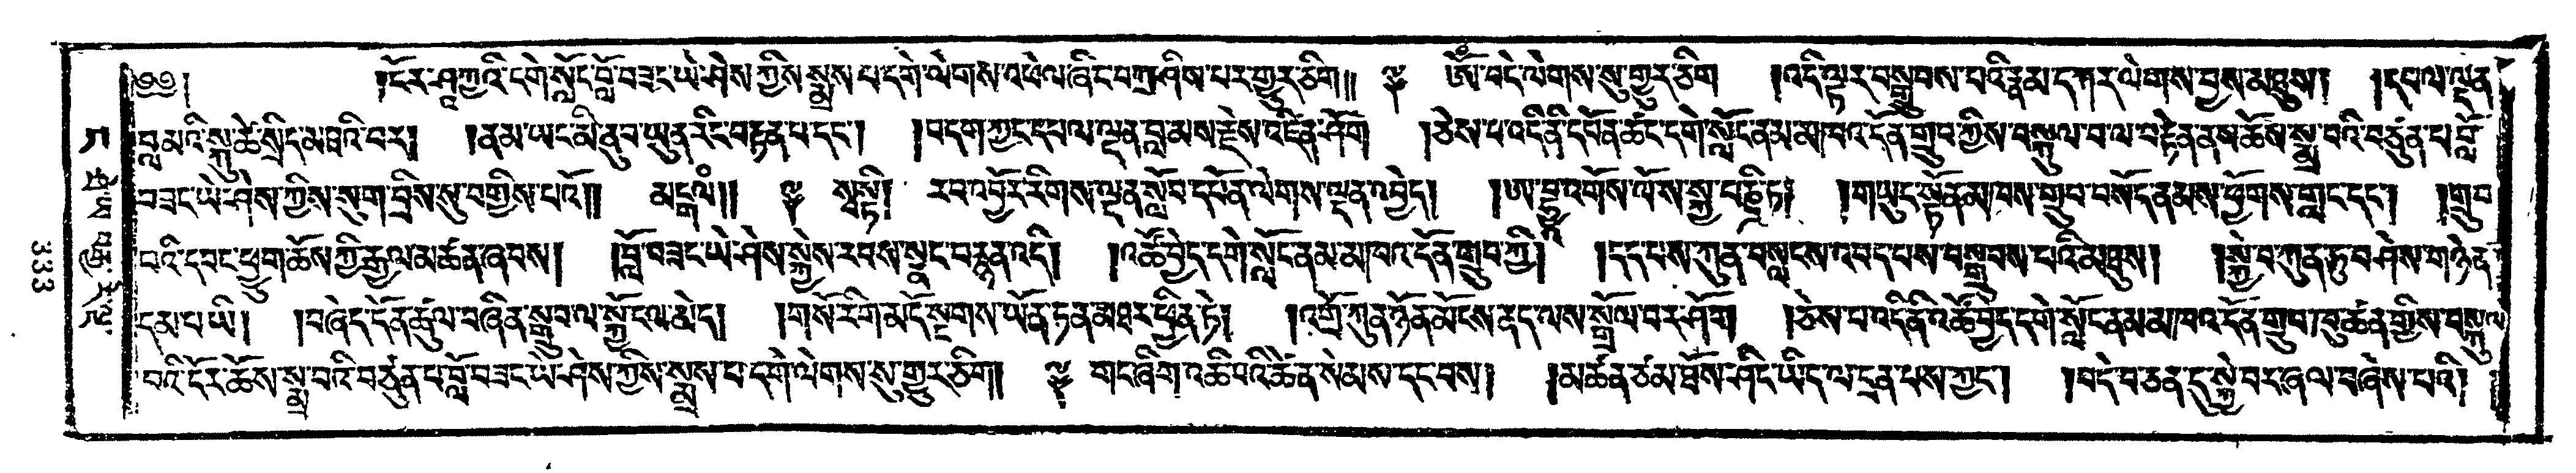༄༅། །ངོར་ཤཱཀྱའི་དགེ་སློང་བློ་བཟང་ཡེ་ཤེས་ཀྱིས་སྨྲས་བ་དགེ་ལེགས་འཕེལ་ཞིང་བཀྲ་ཤིས་པར་གྱུར་ཅིག།། ༈ ཨོཾ་བདེ་ལེགས་སུ་གྱུར་ཅིག །འདི་ལྟར་བསྒྲུབས་པའི་རྣམ་དཀར་ལེགས་བྱས་མཐུས། །དཔལ་ལྡན་
བླ་མའི་སྐུ་ཚེ་སྲིད་མཐའི་བར། །ནམ་ཡང་མི་ནུབ་ཡུན་རིང་བརྟན་པ་དང་། །བདག་ཀྱང་དཔལ་ལྡན་བླ་མས་རྗེས་འཛིན་ཤོག །ཅེས་པ་འདི་ནི་དཔོན་ཚང་དགེ་སློང་ནམ་མཁའ་དོན་གྲུབ་ཀྱིས་བསྐུལ་བ་ལ་བརྟེན་ནས་ཆོས་སྨྲ་བའི་བཙུན་པ་བློ་
བཟང་ཡེ་ཤེས་ཀྱིས་སུག་བྲིས་སུ་བགྱིས་པའོ།། མངྒལཾ།། སྭསྟི། རབ་འབྱོར་རིགས་ལྡན་སློབ་དཔོན་ལེགས་ལྡན་འབྱེད། །ཨ་བྷྱཱ་འགོས་ལོ་ས་སྐྱ་པཎྜི། །གཡུང་སྟོན་མཁས་གྲུབ་བསོད་ནམས་ཕྱོགས་གླང་དང་། །གྲུབ་
བའི་དབང་ཕྱུག་ཆོས་ཀྱི་རྒྱལ་མཚན་ཞབས། །བློ་བཟང་ཡེ་ཤེས་སྐྱེས་རབས་སྣང་བརྙན་འདི། །འཚོ་བྱེད་དགེ་སློང་ནམ་མཁའ་དོན་གྲུབ་ཀྱིས། །དད་པས་ཀུན་བསླངས་འབད་པས་བསྒྲུབ་པའི་མཐུས། །སྐྱེ་བ་ཀུན་ཏུ་བཤེས་གཉེན་
དམ་པ་ཡི། །བཞེད་དོན་ཚུལ་བཞིན་སྒྲུབ་ལ་སྐྱོ་ངལ་མེད། །གསོ་རིག་མདོ་སྔགས་ཡོན་ཏན་མཐར་ཕྱིན་ཏེ། །འགྲོ་ཀུན་ཉོན་མོངས་ནད་ལས་སྒྲོལ་བར་ཤོག །ཅེས་པ་འདི་ནི་འཚོ་བྱེད་དགེ་སློང་ནམ་མཁའ་དོན་གྲུབ་ཁུ་ཚན་གྱིས་བསྐུལ་
བའི་ངོར་ཆོས་སྨྲས་བའི་བཙུན་པ་བློ་བཟང་ཡེ་ཤེས་ཀྱིས་སྨྲས་པ་དགེ་ལེགས་སུ་གྱུར་ཅིག། ༈ གང་ཞིག་འཆི་བའི་ཚེ་ན་སེམས་དང་བས། །མཚན་ཙམ་ཐོས་ཤིང་ཡིད་ལ་དྲན་པས་ཀྱང་། །བདེ་བ་ཅན་དུ་སྐྱེ་བར་ཞལ་བ་ཞེས་པའི། །